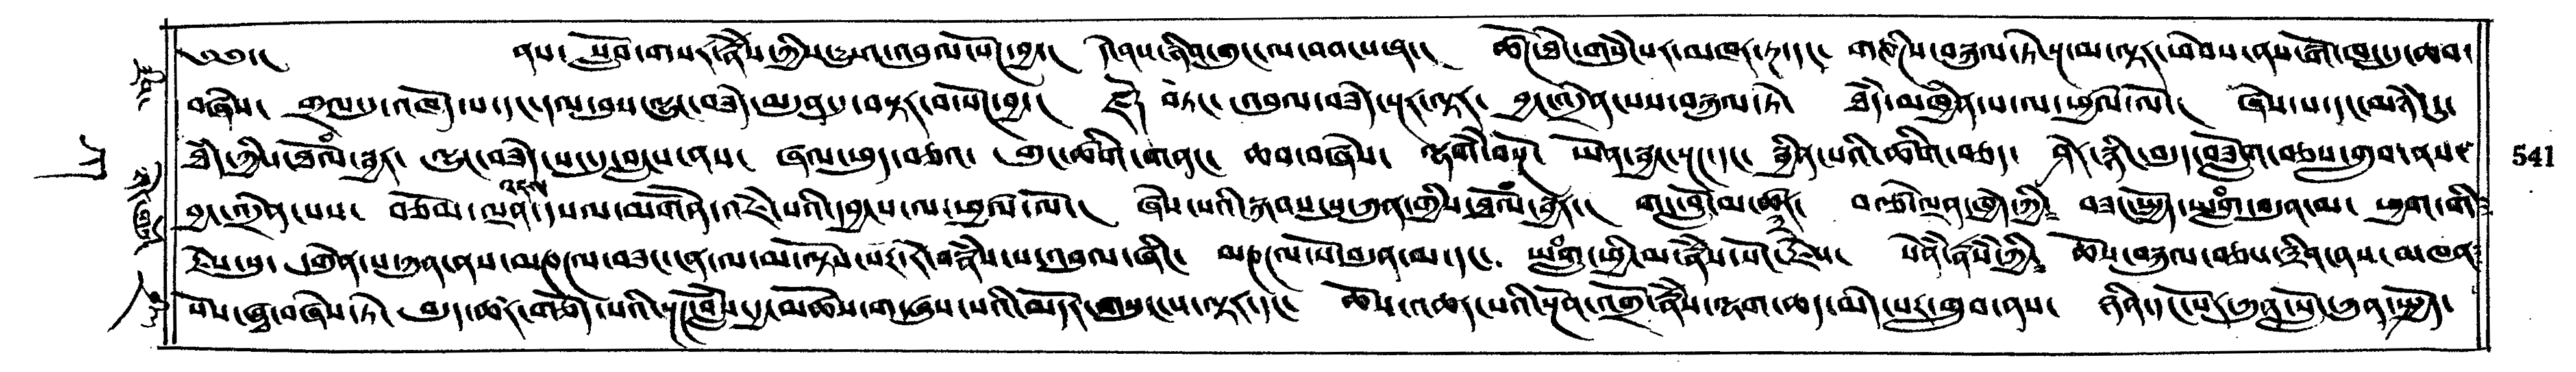ནས། སློབ་གསར་རྣམས་ཀྱིས་རྒྱུགས་འབུལ་སོགས་བྱ། དེ་ནས་ཉིན་གུང་ལ་བབ་པ་ན། ཚོགས་ཐེངས་གསུམ་པར་མཁར་རྔ་དང་། གཎྜིས་བསྐུལ་ཏེ་སྔ་མ་ལྟར་ཕེབས་ནས་སྒོ་ཁང་དུ་ཆབ་
བཞེས། གྲལ་དུ་འཁོད་པ་དང་དལ་བུས་ལྷུང་བཟེད་མདུན་དུ་བསྟར་བ་སོགས་བྱ། ཇ༽བཏང་། འབུལ་བཟེད་སྔར་ལྟར། བྱང་འདྲེན་པས་བསྐུལ་ཏེ། ཐམས་ཅད་མཁྱེན་པ་ལ་ཕྱག་འཚལ་ལོ།། ཞེས་པ་དང་མཉམ་དུ
་ཐམས་ཅད་ཀྱིས་ཐལ་མོ་སྦྱར། ལྷུང་བཟེད་པང་དུ་བླངས་ནས། ཞལ་ཕུད་བཅའ། གུང་ཚིག་གནང་། ཆབ་བཞེས། ལྷག་མ་བསྔོ། ཡོན་སྦྱང་སྔགས་དང་། སྦྱིན་པའི་ཚིགས་བཅད། ཤེར་སྙིང་བདུད་བཟློག་བཅས་གྲུབ་ནས་
བྱང་འདྲེན་པས། བཅོམ་ལྡན་འདས་དཔལ་མགོན་པོ་འཇམ་པའི་དབྱངས་ལ་ཕྱག་འཚལ་ལོ།། ཞེས་པའི་སྐབས་སུ་ཀུན་ཀྱིས་ཐལ་མོ་སྦྱར། གང་བློ་མ་ཚར་གསུམ། བརྩེ་ལྡན་ཁྱེད་ཀྱི༴ བཟང་སྤྱོད་ཡན་ལག་བདུན་མ། ཕྱག་གི་
རྗེས་སུ། དགེ་འདུན་པ་ཀུན་ནས་མཎྜལ་བཟང་ངན་ལ་མ་ལྟོས་པར་རེ་བསྣམས་པ་འབུལ་ཞིང་། མཎྜལ་སོ་བདུན་མ་དང་། ཡན་ལག་ཕྱི་མ་རྣམས་སོང་རྗེས།སེམས་ཅན་རྣམས་ཀྱི༴ ཆོས་བསྐུལ་བཅས་ཟིན་ནས་མཁན་
པོས་ཞྭ་བཞེས་ཏེ། བདུད་ཚར་གཅོད་པའི་སྔགས་བློ་གྲོས་རྒྱ་མཚོས་ཞུས་པའི་མདོར་གསུངས་པ་ལྟར་དང་། ཆོས་འཆད་པའི་སྔོན་འགྲོ་རྣམས་ལྷག་ཆད་མེད་པར་གྲུབ་ནས། ཉིན་དང་པོར་ཀུན་སློང་ཀུན་སྤྱོད་